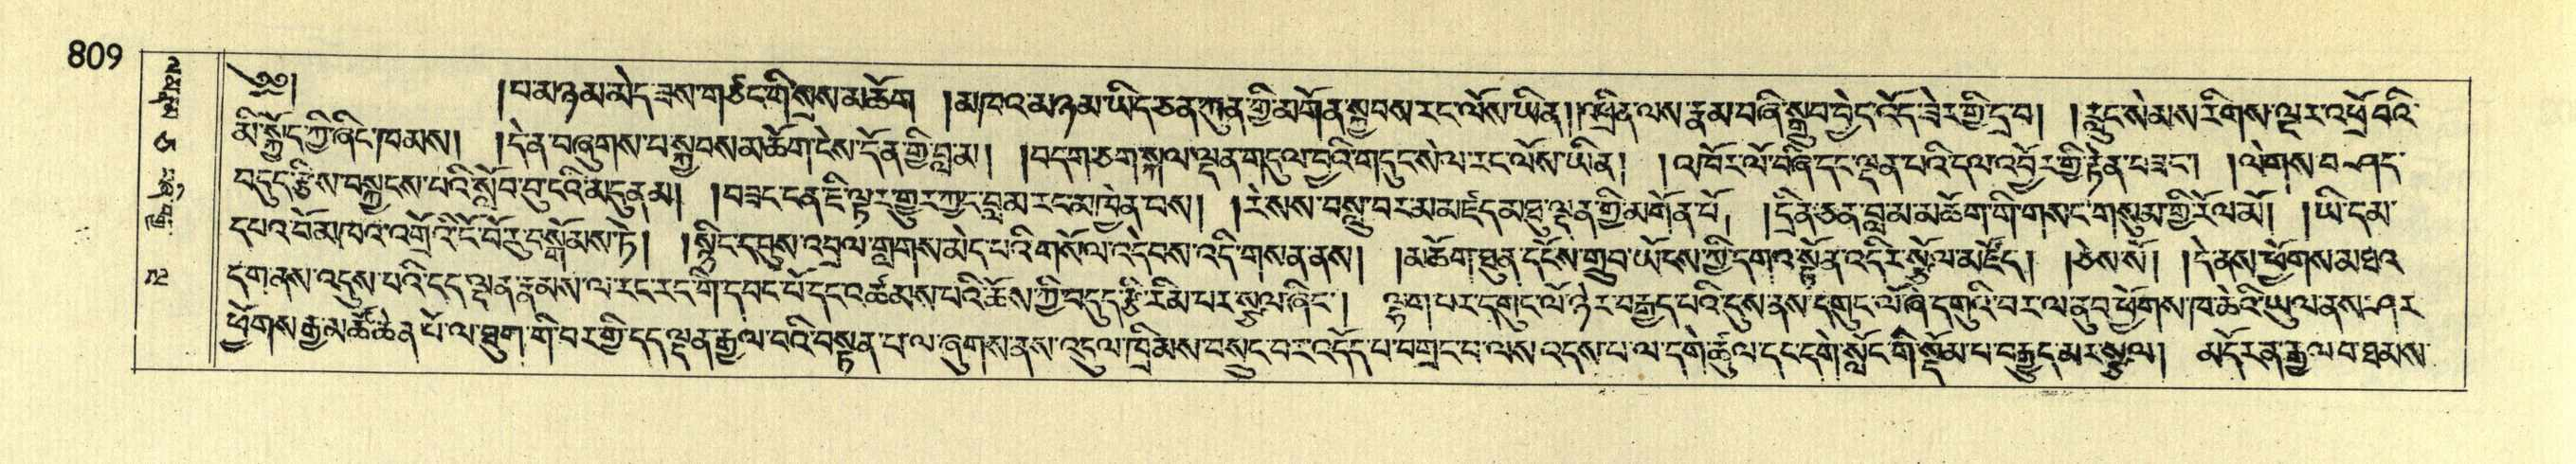༄༅། །པ་མཉམ་མེད་ཟས་གཙང་གི་སྲས་མཆོག །མཁའ་མཉམ་ཡིད་ཅན་ཀུན་གྱི་མགོན་སྐྱབས་རང་ལོས་ཡིན། །འཕྲིན་ལས་རྣམ་བཞི་སྒྲུབ་བྱེད་འོད་ཟེར་གྱི་དྲ་བ། །རླུང་སེམས་རིགས་ལྔར་འཕྲོ་བའི་
མི་སྐྱོད་ཀྱི་ཞིང་ཁམས། །དེ་ན་བཞུགས་པ་སྐྱབས་མཆོག་ངེས་དོན་གྱི་བླ་མ། །བདག་ཅག་སྐལ་ལྡན་གདུལ་བྱའི་གདུང་སེལ་རང་ལོས་ཡིན། །འཁོར་ལོ་བཞི་དང་ལྡན་པའི་དལ་འབྱོར་གྱི་རྟེན་བཟང་། །ལེགས་བཤད་
བདུད་རྩིས་བསྐྱངས་པའི་སློབ་བུ་ངའི་མདུན་མ། །བཟང་ངན་ཇི་ལྟར་གྱུར་ཀྱང་བླ་མ་རང་མཁྱེན་བས། །རེ་སས་བསླུ་བར་མ་མཛད་མཐུ་ལྡན་གྱི་མགོན་པོ། །དྲིན་ཅན་བླ་མ་མཆོག་གི་གསང་གསུམ་གྱི་རོལ་མོ། །ཡི་དམ་
དཔའ་བོ་མཁའ་འགྲོའི་ངོ་བོ་རུ་བསྒོམས་ཏེ། །སྙིང་དབུས་འབྲལ་གླགས་མེད་པའི་གསོལ་འདེབས་འདི་གསན་ནས། །མཆོག་ཐུན་དངོས་གྲུབ་ཡོངས་ཀྱི་དགའ་སྟོན་འདིར་སྩོལ་མཛོད། །ཅེས་སོ། །དེ་ནས་ཕྱོགས་མཐའ་
དག་ནས་འདུས་པའི་དད་ལྡན་རྣམས་ལ་རང་རང་གི་དབང་པོ་དང་འཚམས་པའི་ཆོས་ཀྱི་བདུད་རྩི་རིམ་པར་སྩལ་ཞིང་། ལྷག་པར་དགུང་ལོ་ཉེར་བརྒྱད་པའི་དུས་ནས་དགུང་ལོ་ཞེ་དགུའི་བར་ལ་ནུབ་ཕྱོགས་ཁ་ཆེའི་ཡུལ་ནས་ཤར་
ཕྱོགས་རྒྱ་མཚོ་ཆེན་པོ་ལ་ཐུག་གི་བར་གྱི་དད་ལྡན་རྒྱལ་བའི་བསྟན་པ་ལ་ཞུགས་ནས་འདུལ་ཁྲིམས་བསྲུང་བར་འདོད་པ་བགྲང་བ་ལས་འདས་པ་ལ་དགེ་ཚུལ་དང་དགེ་སློང་གི་སྡོམ་པ་བརྒྱུད་མར་སྩལ། མདོར་ན་རྒྱལ་བ་ཐམས་